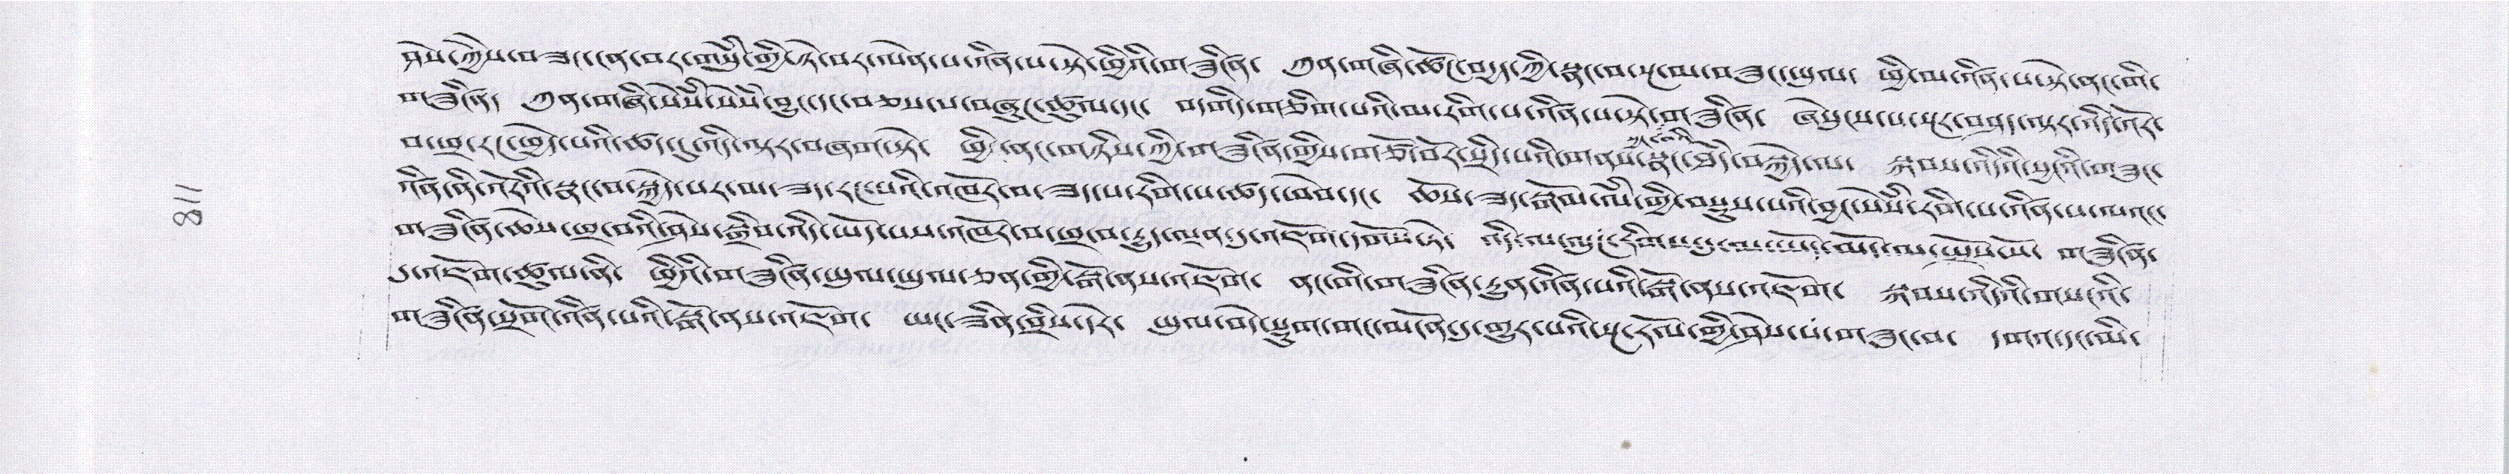ཤེས་ཀྱིས་བཟང་ངན་བར་གསུམ་གྱི་ཉེ་བར་ལེན་པ་འཛིན་པ་སྟེ་ཕྱི་ཡི་གཟུང་འཛིན། ཀུན་གཞི་ཚོགས་བརྒྱད་ཀྱི་སྣང་བ་སྔ་མ་གཟུང་ཡུལ། ཕྱི་མ་འཛིན་པ་སྟེ་ནང་གི་
གཟུང་འཛིན། ཀུན་གཞི་སེམས་སེམས་བྱུང་དང་བཅས་པ་བཞུགས་ཚུལ་དང་། བདག་ཉིད་གཅིག་པའི་མ་རིག་པ་འཛིན་པ་སྟེ་གཟུང་འཛིན་ཞེས་གསུངས་པ་སྔར་བཤད་ལྟར་འདི་འཁོར་
བ་ཕྲ་རགས་ཕྱེད་པའི་ཚད་དུ་འདི་ལྟར་བཞག་སྟེ། ཕྱི་ནང་གཉིས་ཀྱི་གཟུང་འཛིན་གྱིས་གཙོ་བོར་སྲིད་པའི་གནས་སྣང་ཐམས་ཅད་བསྐྱེད་ལ། སྐབས་འདིའི་གསང་བའི་གཟུང་
འཛིན་ནི་འཁོར་བའི་སྣང་བ་བསྐྱེད་པར་མ་ཟད་རགས་པའི་འཁོར་བ་ཟད་པ་རིག་པ་ཚད་ཕེབས་དང་། ཆོས་ཟད་སྒོམ་ལམ་གྱིས་བསྡུས་པའི་བྱང་སེམས་རིག་པ་འཛིན་པ་ལའང་
གཟུང་འཛིན་ཆེས་ཕྲ་བའི་ཤེས་སྒྲིབ་འདི་ཡོད་པས་འཁོར་བ་ཕྲ་བ་རྒྱུད་ལྡན་དུ་འཇོག་དགོས་ཏེ། འདི་ལ་ལུང་རིགས་དུ་མ་ཡོད་མོད། མ་སྤྲོས་སོ། གཟུང་འཛིན་
དུ་འཇོག་ཚུལ་ནི། ཕྱིའི་གཟུང་འཛིན་ཡུལ་ཡུལ་ཅན་གྱི་སྒོ་ནས་འཇོག ནང་གི་གཟུང་འཛིན་རྒྱུན་འཛིན་པའི་སྒོ་ནས་འཇོག སྐབས་འདིའི་གསང་བའི་
གཟུང་འཛིན་སྲོག་འཛིན་པའི་སྒོ་ནས་འཇོག ཡང་ཟིན་བྲིས་དེར། ཡུལ་བདེ་སྡུག་གང་མངོན་དུ་གྱུར་པའི་སྔ་རོལ་གྱི་ཤེས་པ་གཟུང་བ། དགའ་དང་མི་